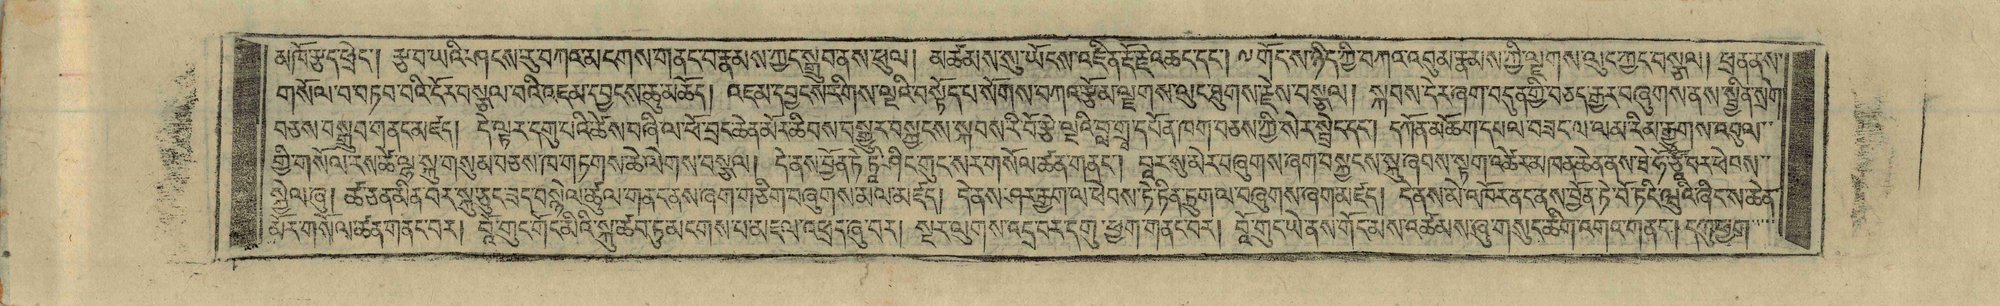མཁོ་རྩད་ཕྲེང་། རྩ་བ་ཡའི་ཤངས་རུ་བཀའ་མངགས་གནང་བ་རྣམས་ཀྱང་སྒྲུབ་ནས་ཕུལ། མཚམས་སུ་ཡོངས་འཛིན་རྡོ་རྗེ་འཆང་དང་། ༧གོང་ས་ཉིད་ཀྱི་བཀའ་འབུམ་རྣམས་ཀྱི་ལྗགས་ལུང་ཀྱང་བསྩལ། ཕྲན་ནས་
གསོལ་བ་བཏབ་པའི་ངོར་བསྩལ་བའི་འཇམ་དབྱངས་ཆུ་མཆོད། འཇམ་དབྱངས་རིགས་ལྔའི་བསྟོད་པ་སོགས་བཀའ་རྩོམ་ལྗགས་ལུང་ཐུགས་རྗེས་བསྩལ། སྐབས་དེར་ཞག་བདུན་གྱི་བཅད་རྒྱར་བཞུགས་ནས་སྦྱིན་སྲེག་
བཅས་བསྒྲུབ་གནང་མཛད། དེ་ལྟར་དགུ་པའི་ཚེས་བཞི་ལ་ཕོ་བྲང་ཆེན་མོར་ཆིབས་བསྒྱུར་བསྐྱངས་སྐབས་རི་བོ་རྩེ་ལྔའི་བླ་གྲྭ་དཔོན་ཁག་བཅས་ཀྱི་སེར་སྦྲེང་དང་། དཀོན་མཆོག་དཔལ་བཟང་ལ་ལམ་རིམ་རྒྱུགས་འབུལ་
གྱི་གསོལ་རས་ཚེ་ལྷ་སྐུ་གསུམ་བཅས་ཁ་གཏགས་ཆེ་ལེགས་བསྩལ། དེ་ནས་བྱོན་ཏེ་ཏE་ཤིང་གུང་སར་གསོལ་ཚན་གནང་། བཱར་སུ་མེར་བཞུགས་ཞག་བསྐྱངས་སྐུ་ཞབས་སྟག་འཚེར་མཁན་ཆེན་ནས་ཐེ་ཧོ་ཙO་བར་ཕེབས་
སྐྱེལ་ཞུ། ཚ་ཅན་མིན་བར་སྐུ་ཅུང་ཟད་བསྙེལ་ཚུལ་གནང་ནས་ཞག་གཅིག་བཞུགས་མལ་མཛད། དེ་ནས་ཤར་རྒྱག་ལ་ཕེབས་ཏེ་ཏིན་ཏྲུག་ལ་བཞུགས་ཞག་མཛད། དེ་ནས་མེ་འཁོར་ནང་ནས་བྱོན་ཏེ་བོ་ཏིང་ཝུའི་ཞིང་ས་ཆེན་
མོར་གསོལ་ཚན་གནང་བར། བO་གུང་གོང་མིའི་སྐུ་ཚབ་ཏུ་མངགས་པ་མཇལ་འཕྲད་ཞུ་བར། སྔར་ལུགས་འདྲ་བར་དགུ་ཕྱག་གནང་བར། བO་གུང་ཡེ་ནས་གོང་མས་འཚམས་ཞུ་གསུང་ཚིག་འགའ་གནང་། དགུ་ཕྱག་